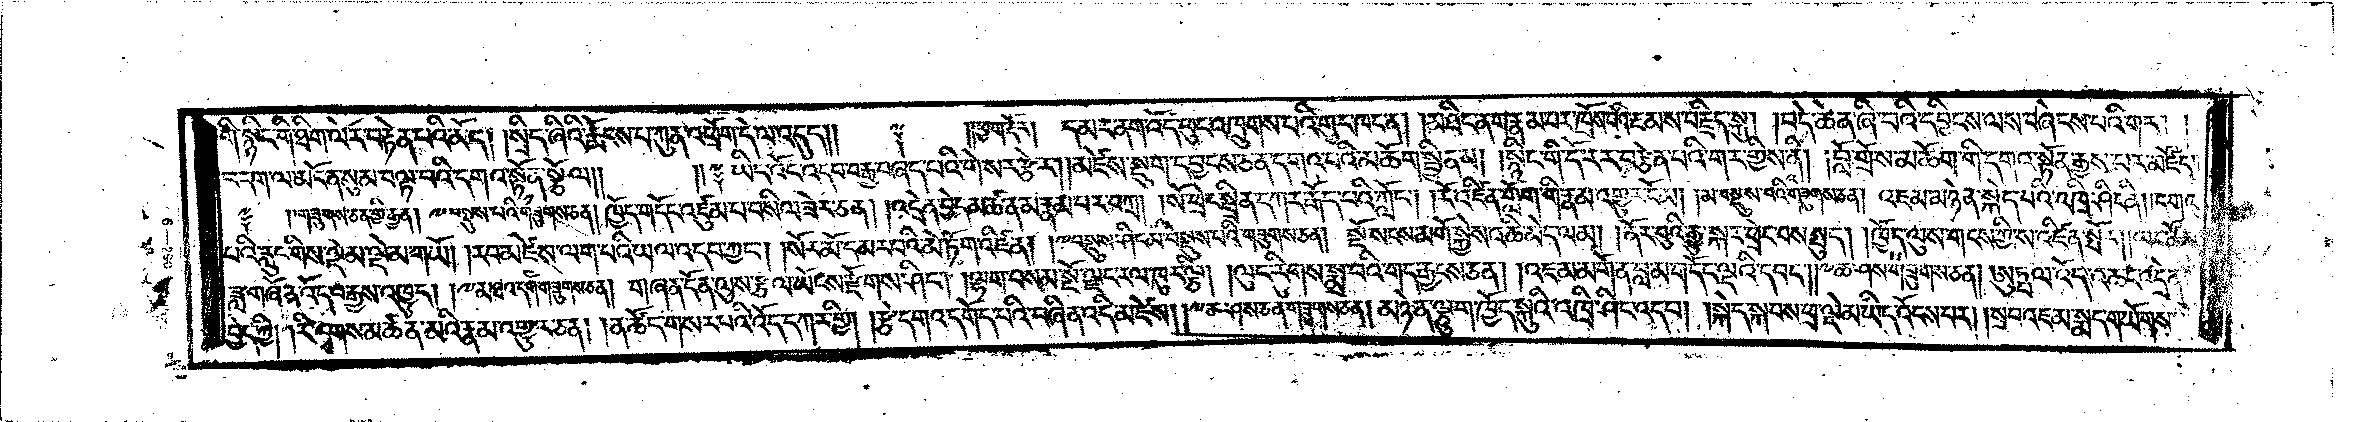གི་སྙིང་གི་ཟིག་ཡོར་བསྙེན་པའི་མོད། །སྲིད་ཞིའི་རྨོངས་པ་ཀུན་འཕྲོག་དེ་ལ་འདུད།། ༈ །།ཕྱག་རྡོར། དམར་ནག་འོད་ཕུང་འཁྲུགས་པའི་གུར་ཁང་ན། །མཐིང་ནག་རྣམ་པར་ཁྲོས་པའི་རྔམས་བརྗིད་སྐུ། །བདེ་ཆེན་ཞི་བའི་དབྱིངས་ལས་བཞེངས་པའི་གར། །
བདག་ལ་མངོན་སུམ་བལྟ་བའི་དགའ་སྟོན་སྩོལ།། །།༈ ཡིད་འོང་འདབ་བརྒྱ་བཞད་པའི་གསེར་རྩེར། །མཛེས་སྡུག་དབྱངས་ཅན་དགའ་པའི་མཆོག་སྦྱིན་མ། །སྙིང་གི་དོ་རར་བརྩེན་པའི་གར་གྱིས་ནི། །བློ་གྲོས་མཆོག་གི་དགའ་སྟོན་རྒྱས་པ་ན་མཛོད་
༈ །གཟུགས་ཅན་གྱི་རྒྱན། ༧བསྡུས་པའི་གཟུགས་ཅན། ཁྱོད་གདོང་འཛུམ་པ་བསིལ་ཟེར་ཅན། །འདྲེན་བྱེད་མཚན་ནམ་རྣམ་པར་བཀྲ། །སོ་ཕྲེང་སྦྲིན་དཀར་རྒོད་པའི་ཀློང་། །རོ་འཛིན་གློག་གི་རྣམ་འགྱུར་ངོམ། །མ་བསྡུས་པའི་གཟུགས་ཅན། འཇམ་མཉེན་སྐྱེད་པའི་འྐྲི་ཤིང་ནི། དགའ་
པའི་རླུང་གིས་ལྡེམ་ལྡེམ་གཡོ། །རབ་མཛེས་ལག་པའི་ཡལ་འདབ་ཀྱང་། སོར་མོ་དམར་བའི་མེ་ཏོག་འཛིན། །༧བསྡུས་ཤིང་མ་བསྡུས་པའི་གཟུགས་ཅན། སྔོ་སངས་མགོ་སྐྱེས་འཆི་མེད་ལམ། །ནོར་བུའི་རྒྱུ་སྐར་ཕྲེང་བས་སྤུད། །ཁྱོད་ལུས་གངས་ཀྱིས་འཛིན་སྤོར། །ལང་ཚོས་
ཟླ་གཞོན་འོད་བརྒྱས་འཁྱུད། །༧མཐའ་དག་གཟུགས་ཅན། གཞན་དོན་ལུས་རྩལ་ཡོངས་རྫོགས་ཤིང་། །ལྷག་བསམ་སྔོ་ལྗང་རལ་ཁྲུ་ལྕི། །ལུང་རིགས་སྨྲ་བའི་གད་རྒྱངས་ཅན། །འཇམ་མགོན་བླ་མ་གདོང་ལྔའི་དབང་། །༧ཆ་ཤས་གཟུགས་ཅན། ཨུཏྤལ་འོད་འཆང་ཨིསྰྡྲེན་
བྱེད་ཀྱི། །རི་དགས་མཚན་མའི་རྣམ་འགྱུར་ཅན། །ན་ཚོད་གསར་པའི་འོད་དཀར་གྱི། །རྩ་དགའ་དགོད་པའི་བཞིན་འདི་མཛེས། །༧ཆ་ཤས་ཅན་གཟུགས་ཅན། མཉེན་ལྟུག་ཁྱོད་སྐུའི་འཁྲི་ཤིང་འདབ། །སྐེད་སྐབས་ཕྲ་ལྡེམ་ཡིད་འོངས་པར། །སྨྲ་བ་འཇམ་སྨད་གཡོས། །